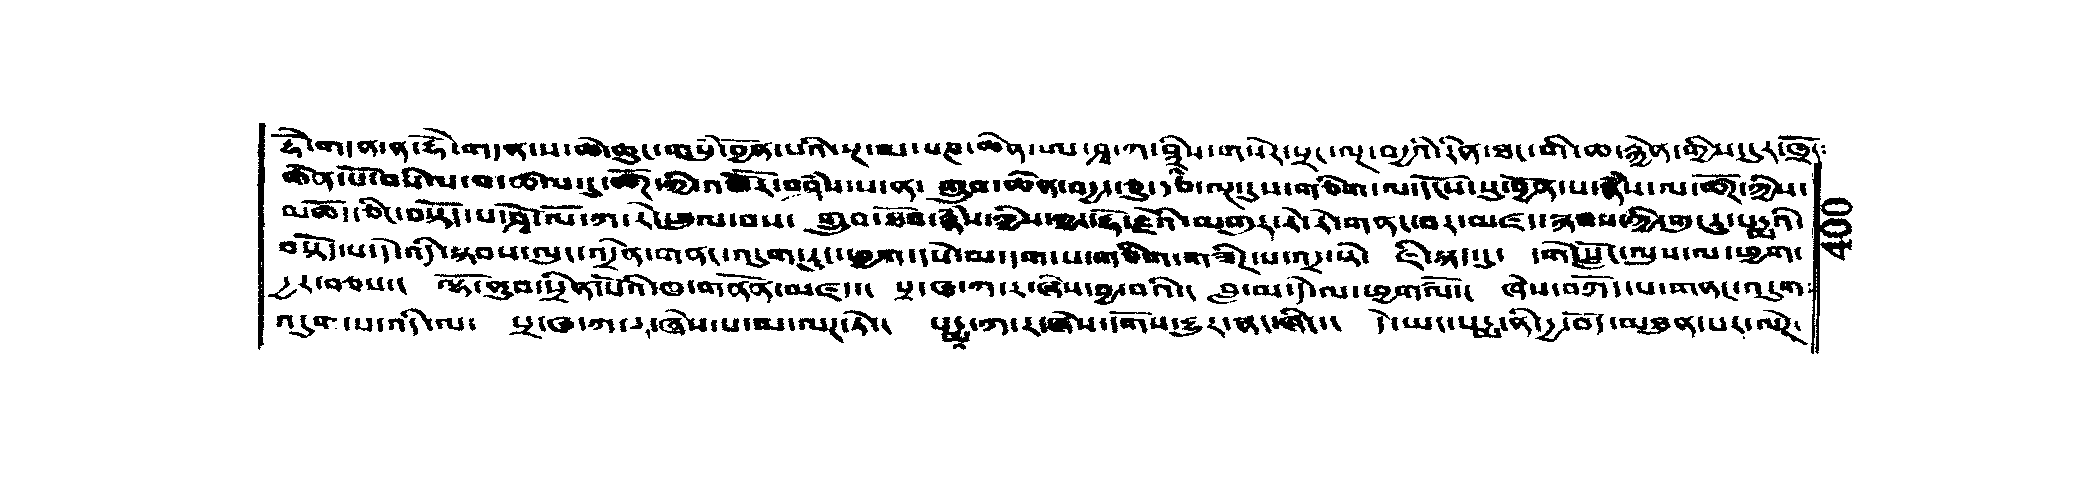རྡོ་རྗེ་གདན་ན་རྡོ་རྗེ་གདན་པ་ཆེ་ཆུང་གསུམ་བྱོན་པའི་སྔ་མ་པཎ་ཆེན་ཨ་ཤྭ་ཀ་ཤྲཱིས་གསེར་སྲང་ལྔ་བརྒྱའི་རིན་ཐང་གི་ཆ་རྐྱེན་གྱིས་དུར་ཁྲོད་
ཆེན་པོ་བསིལ་བ་ཚལ་དུ་ཚོགས་ཀྱི་འཁོར་ལོ་བཤམས་པ་ན། གྲུབ་ཆེན་བརྒྱད་ཅུ་རྩ་ལྔ་དུས་གཅིག་ལ་དངོས་སུ་བྱོན་པ་རྣམས་ལ་ཚོགས་ཀྱིས་
མཆོད་ཅིང་བསྟོད་པ་ཤྭོ་ལོ་ཀ་རེ་ཕུལ་བས། གྲུབ་ཐོབ་རྣམས་ཀྱིས་ཀྱང་རྡོ་རྗེའི་མགུར་རེ་རེ་གནང་བར་མཛད་སྐབས་ཀྱི་གུ་རུ་པདྨའི་
བསྟོད་པ་དེ་འདི་སྐབས་ལུང་འདྲེན་གནང་འདུག་རུང་ཕྱག་དཔེ་མ་དག་པ་གཅིག་གཟིགས་པ་འདྲ་སྟེ།ཇི་སྐད་དུ། དགེ་སློང་ལུས་ལ་ཕྱག་
རྒྱར་བཅས། །ལྷོ་ནུབ་སྲིན་པོའི་ཁ་གནོན་མཛད། །པྲ་ཝ་ཀ་ར་ཞེས་བྱ་བའི། །བླ་མ་དེ་ལ་ཕྱག་འཚལ་ལོ། ཞེས་བཀོད་པ་གནང་འདུག་
པ་འདི་ལ། པྲ་ཝ་ཀ་ར་ཞེས་པ་མ་ལགས་ཏེ། པདྨ་ཀ་ར་ཞེས་དགོས་རྒྱུར་སྣང་ཞིང་། དེ་ཡང་པདྨ་ནི་རྒྱ་བོད་མཐུན་པར་ལེགས་